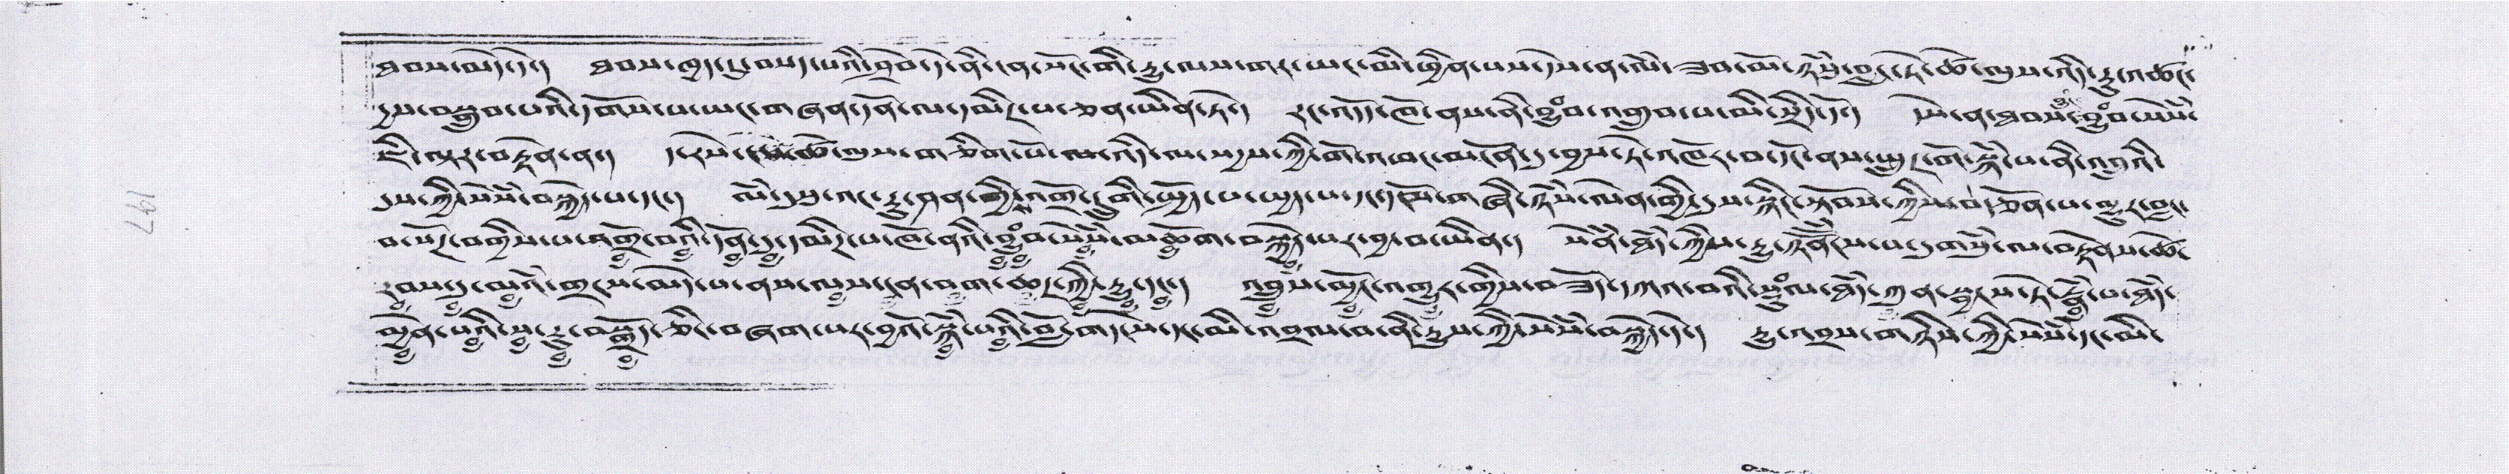ཐབས་ཁྱད་དུ་བསད་པའི་ཤེས་རབ་དེ་ནི་ངན་སོང་གི་རྒྱུ་ལས་གར་ཡང་མི་ཕྱིན་པས་དེས་ན་ལམ་ཟབ་མོ་ཉམས་སུ་བླང་སྟེ་ཚེ་ལུས་འདི་རུ་འཚང་
རྒྱས་བསྒྲུབ་པའི་དགོས་པའང་གཞན་དོན་ལ་དམིགས་པ་ཅན་ཡིན་ཏེ། རང་འདོད་ཁོ་ནས་ནི་བྱང་ཆུབ་འགྲུབ་པ་ནི་མི་སྲིད་དོ། དེས་ན་ཐབས་བྱང་ཆུབ་སེམས་
ཇི་ལྟར་བསྟེན་ན། ད་རེས་ཚེ་ལུས་གཅིག་པོ་འདི་ལ་སངས་རྒྱས་ཀྱི་གོ་འཕང་མངོན་དུ་བྱས་ཏེ་འཁོར་བ་དོང་ནས་སྤྲུག་གོ་སྙམ་པ་ནི་འབྲས་བུའི་
དུས་ཀྱི་སེམས་བསྐྱེད་པ་དང་། ལམ་དུས་སུའང་རུ་ཤན་གྱིས་འགྲོ་དྲུག་གི་སྤྱོད་པ་སྤྱད་པ་དང་དངོས་གཞི་ཉམས་ལེན་གྱི་དུས་སྙིང་སྟོབས་ཀྱིས་བརྩོན་པ་ལྷུར་བླང་
པ་སོགས་བགྱིས་པ་འགྲོ་བའི་དོན་དུ་དམིགས་པ་ཁོ་ནའི་བྱང་ཆུབ་སེམས་མཆོག་བསྐྱེད་པར་བྱ་བ་ཡིན། སེམས་ཅན་ཐམས་ཅད་ཀྱིས་རྒྱུ་ཉོན་མོངས་པ་དུག་གསུམ་ལ་བརྟེན་ནས་ཚེ་
རབས་དུ་མའམ་གྲངས་མེད་པ་ནས་ལས་ངན་བག་ཆགས་ཀྱི་རྒྱུ་དང་། འབྲས་བུ་མྱོང་འགྱུར་གྱིས་བཟོད་དཀའ་བའི་སྡུག་བསྔལ་ཐམས་ཅད་ཀུན་སྦྱངས་ཏེ་རྣམ་པ་ཐམས་ཅད་
མཁྱེན་པའི་ས་རུ་བསྒྲོད་ཅིང་བཞག་པར་བྱའོ་སྙམ་པའི་བློ་གདེངས་དང་མི་འབྲལ་བ་ནི་རྒྱུ་འབྲས་ཀྱི་སེམས་བསྐྱེད་དེ། རྒྱུ་འབྲས་གཉིས་ཀྱི་སེམས་དང་མི་